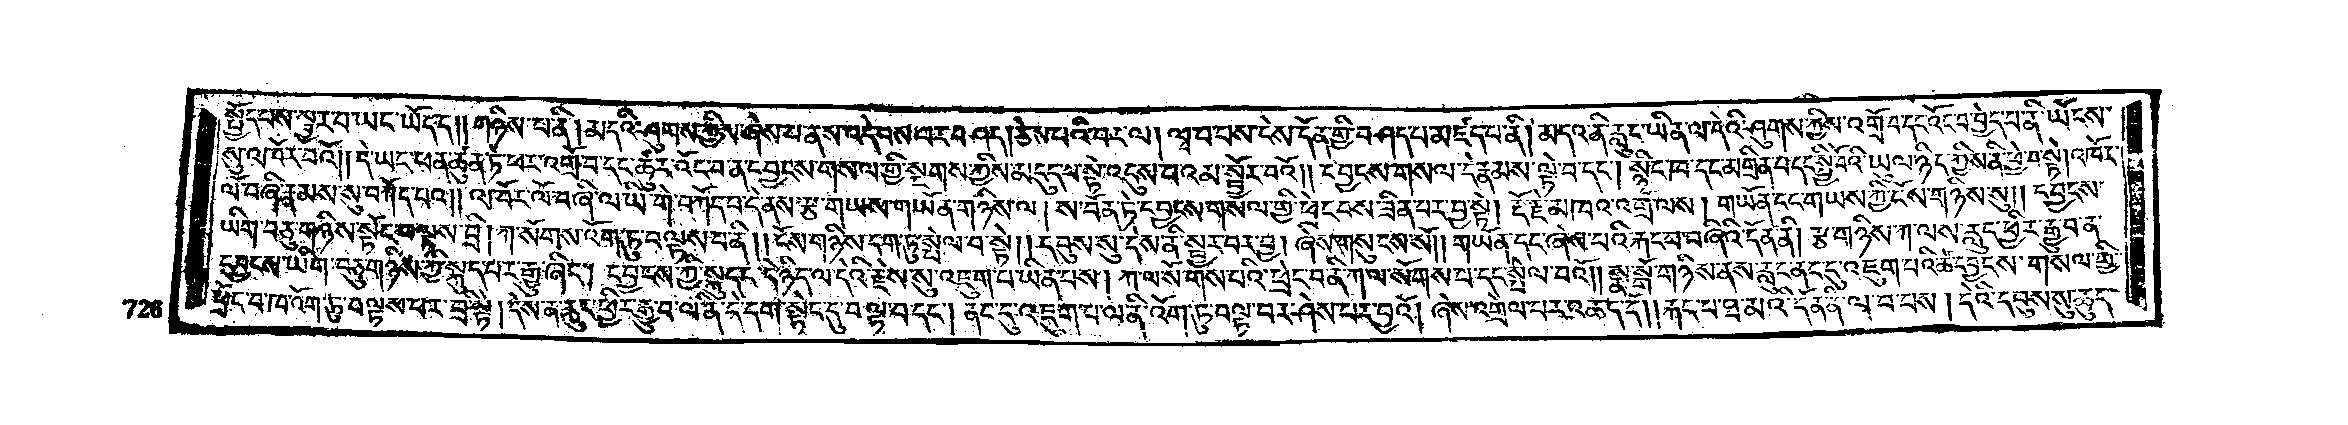སྤྱོད་པས་སྦྱར་བ་ཡང་ཡོད་དོ། །གཉིས་པ་ནི། མདའི་ཤུགས་ཀྱིས་ཞེས་པ་ནས་འདེབས་པར་བཤད། ཅེས་པའི་བར་ལ། ལྭ་བ་པས་ངེས་དོན་གྱི་བཤད་པ་མཛད་པ་ནི། མདའ་ནི་རླུང་ཡིན་ལ་དེའི་ཤུགས་ཀྱིས་འགྲོ་བ་དང་འོང་བ་བྱེད་པ་ནི་ཡོངས་
སུ་འཁོར་བའོ། །དེ་ཡང་ཕན་ཚུན་ཏེ་ཕར་འགྲོ་བ་དང་ཚུར་འོང་བ་ན་དབྱངས་གསལ་གྱི་སྔགས་ཀྱིས་མདུད་པ་སྟེ་འདུས་པའམ་སྦྱོར་བའོ། །དབྱངས་གསལ་དེ་རྣམས་ལྟེ་བ་དང་། སྙིང་ཁ་དང་མགྲིན་པ་དང་སྤྱི་བོའི་ཡུལ་ཉིད་ཀྱིས་ནི་ཕྱེ་བ་སྟེ། འཁོར་
ལོ་བཞི་རྣམས་སུ་བཀོད་པའོ། །འཁོར་ལོ་བཞི་ལ་ཡི་གེ་བཀོད་པ་དེ་ནས་རྩ་གཡས་གཡོན་གཉིས་ལ། ས་བོན་ཏེ་དབྱངས་གསལ་གྱི་ཕྲེང་བས་ཟིན་པར་བྱ་སྟེ། རྡོ་རྗེ་མཁའ་འགྲོ་ལས། གཡོན་དང་གཡས་ཀྱི་ངོས་གཉིས་སུ། །དབྱངས་
ཡིག་བཅུ་གཉིས་སྟེང་བལྟས་བྲི། ཀ་སོགས་འོག་ཏུ་བལྟས་པ་ནི། །ངོས་གཉིས་དག་ཏུ་སྤེལ་བ་སྟེ། །དབུས་སུ་དེས་ནི་སྦྱར་བར་བྱ། ཞེས་གསུངས་སོ། །གཡོན་དང་ཞེས་པའི་རྐང་པ་བཞིའི་དོན་ནི། རྩ་གཉིས་ཀ་ལས་རླུང་ཕྱིར་རྒྱུ་བ་ན་
དབྱངས་ཡིག་བཅུ་གཉིས་ཀྱི་སྐུད་པར་རྒྱུ་ཞིང་། དབྱངས་ཀྱི་སྐུད་པ་དེ་ཉིད་ལ་དེའི་རྗེས་སུ་འཇུག་པ་ཡིན་པས། ཀ་ལ་སོགས་པའི་ཕྲེང་བ་ནི་ཀ་ལ་སོགས་པ་དང་སྤེལ་བའོ། །སྣ་སྒོ་གཉིས་ནས་རླུང་ནང་དུ་འཇུག་པའི་ཚེ་དབྱངས་གསལ་གྱི་
ཕྲེང་བ་ཁ་འོག་ཏུ་བལྟས་པར་བྲི་སྟེ། དེས་ན་རླུང་ཕྱིར་རྒྱུ་བ་ལ་ནི་དེ་དག་སྟེང་དུ་བལྟ་བ་དང་། ནང་དུ་འཇུག་པ་ལ་ནི་འོག་ཏུ་བལྟ་བར་ཤེས་པར་བྱའོ། ཞེས་འགྲེལ་པར་འཆད་དོ། །རྐང་པ་ཐ་མའི་དོན་ནི་ལྭ་བ་པས། དེའི་དབུས་སུ་ཆུད་